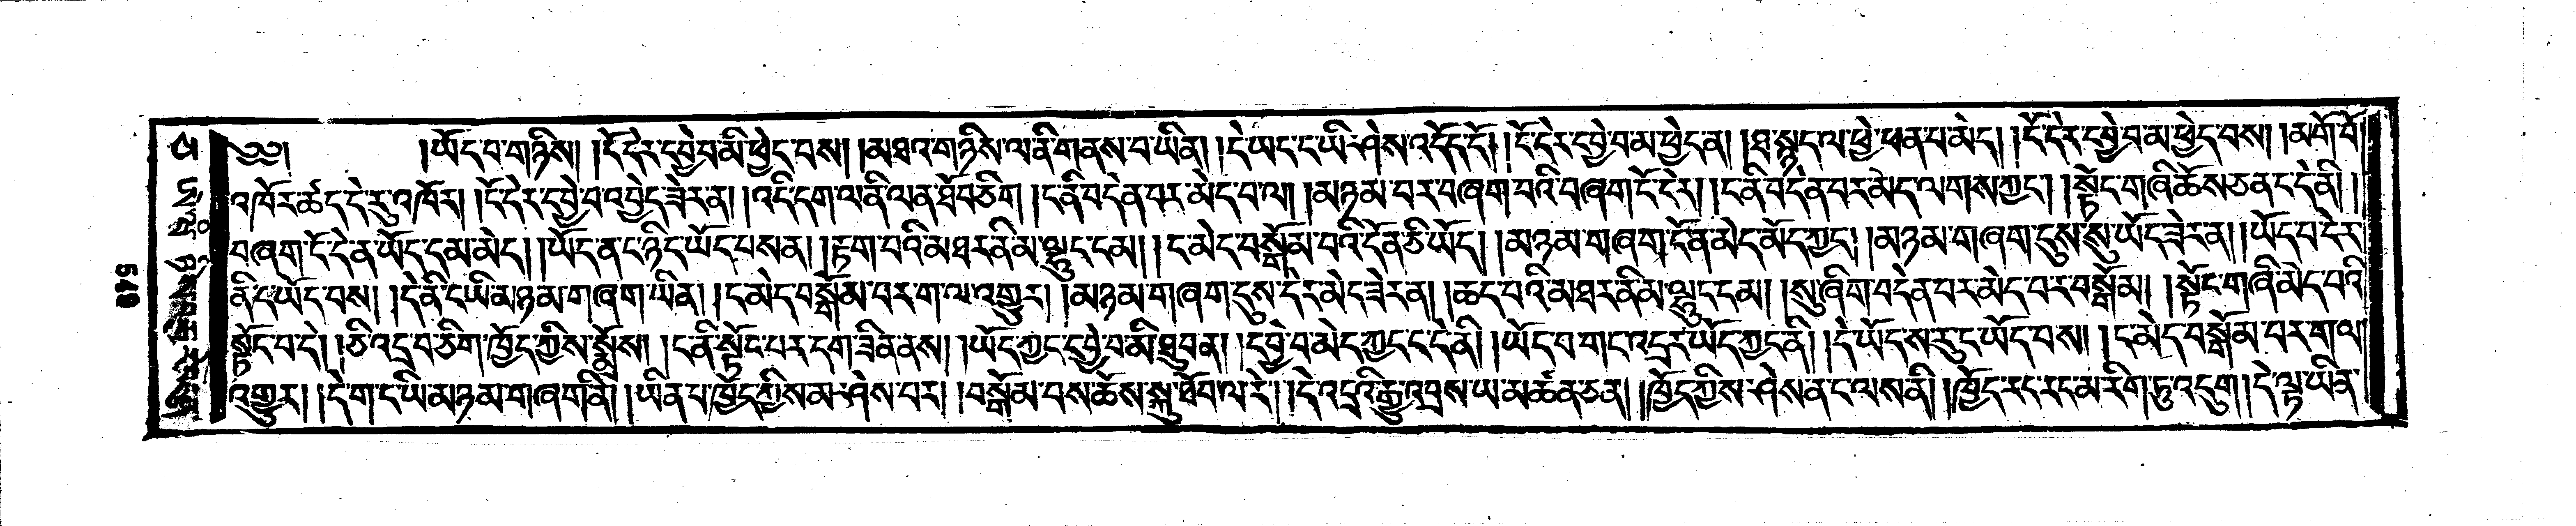༄༅། །ཡོད་པ་གཉིས། །ངོ་དེར་དབྱེ་བ་མི་ཕྱེད་པས། །མཐའ་གྱིས་ལ་ནི་གནས་པ་ཡིན། །དེ་ཡང་ང་ཡི་ཤེས་འདོད་དོ། །ངོ་དེར་དབྱེ་བ་མ་ཕྱེད་ན། །ཐ་སྙད་ལ་ཕྱེ་ཕན་པ་མེད། །ངོ་དེར་དབྱེ་བ་མ་ཕྱེད་པས། །མགོ་བོ་
འཁོར་ཚད་དེ་རུ་འཁོར། །ངོ་དེར་དབྱེ་བ་འབྱེད་ཟེར་ན། །འདི་དག་ལ་ནི་ལན་ཐོག་ཅིག །ང་ནི་བདེན་པར་མེད་པ་ལ། །མཉམ་པར་བཞག་པའི་བཞག་ངོ་དེར། །ང་ནི་བདེན་པར་མེད་ལགས་ཀྱང་། །སྟོང་གཞི་ཆོས་ཅན་ང་དེ་ནི།།
བཞག་ངོ་དེ་ནི་ཡོད་དམ་མེད། །ཡོད་ན་ང་ཉིད་ཡོད་པས་ན། །རྟག་པའི་མཐར་ནི་མ་ལྷུང་ངམ། །ང་མེད་བསྒོམ་པའི་དོན་ཅི་ཡོད། །མཉམ་གཞག་ངོ་ན་མེད་མོད་ཀྱང་། །མཉམ་གཞག་ངོ་ན་མེད་མོད་ཀྱང་། །མཉམ་གཞག་དུས་སུ་ཡོད་ཟེར་ན། །ཡོད་པ་དེར་
ནི་ད་ཡོད་པས། །དེ་ནི་ང་ཡི་མཉམ་གཞག་ཡིན། །ང་མེད་བསྒོམ་པར་ག་ལ་འགྱུར། །མཉམ་གཞག་དུས་དེར་མེད་ཟེར་ན། །ཆད་པའི་མཐར་ནི་མ་ལྷུང་ངམ། །སུ་ཞིག་བདེན་པར་མེད་པར་བསྒོམ། །སྟོང་གཞི་མེད་པའི་
སྟོང་པ་དེ། །ཅི་འདྲ་བ་ཅིག་ཁྱོད་ཀྱིས་སྨོས། །ང་ནི་སྟོང་པར་དག་ཟིན་ནས། །ཡོད་ཀྱང་དབྱེ་བ་མི་ཐུབ་ན། །དབྱེ་བ་མེད་ཀྱང་ང་དེ་ནི། །ཡོད་པ་གང་འདྲར་ཡོད་ཀྱང་ནི། །དེ་ཡོ་ས་རུ་ང་ཡོད་པས། །ང་མེད་བསྒོམ་པར་ག་ལ་
འགྱུར། །དེ་ག་ང་ཡི་མཉམ་གཞག་ནི། །ཡིན་པ་ཁྱོད་ཀྱིས་མ་ཤེས་པར། །བསྒོམ་པས་ཆོས་སྐུ་ཐོབ་ལ་རེ། །དེ་འདྲའི་རྒྱུ་འབྲས་ཡ་མཚན་ཅན། །ཁྱོད་ཀྱིས་ཤེས་ན་ང་ལས་ནི། །ཁྱོད་རང་རང་མ་རིག་ཏུ་འདུག །དེ་ལྟ་ཡིན་